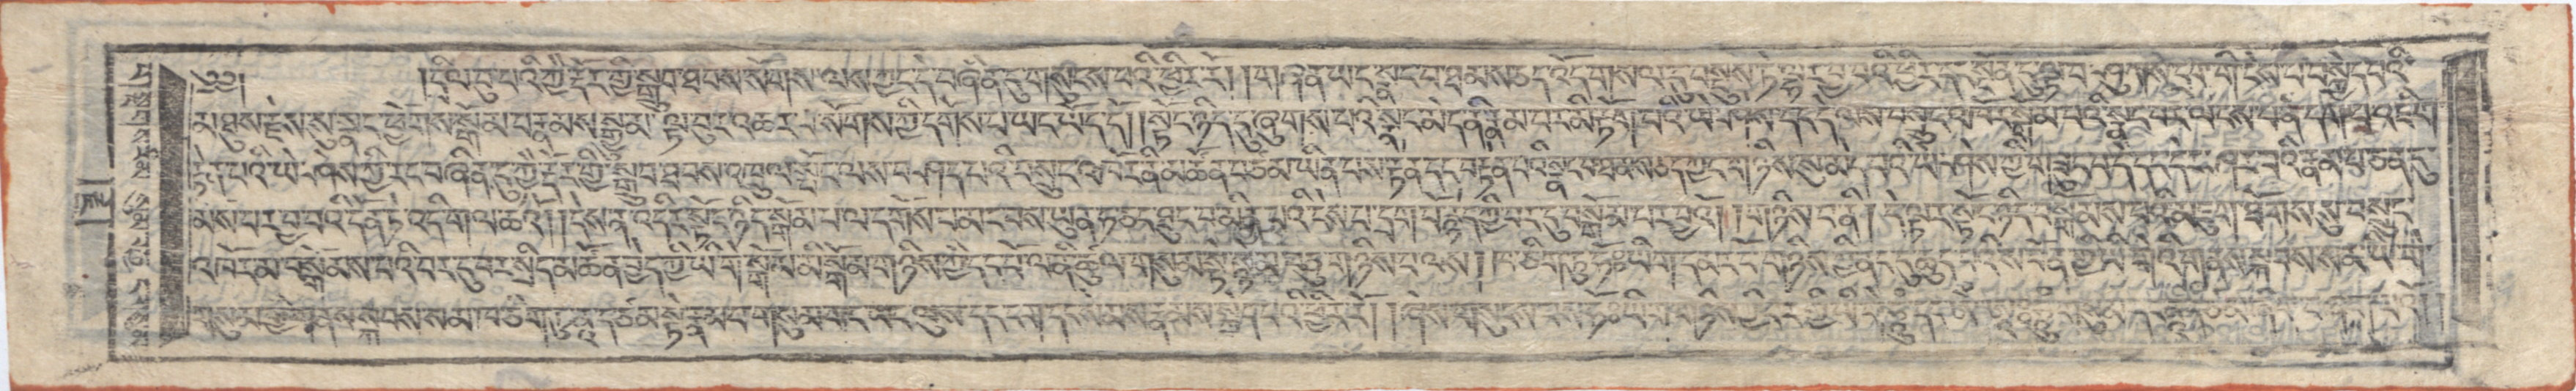༄༅། །དྲིལ་བུ་པའི་ཀྱཻ་རྡོར་གྱི་སྒྲུབ་ཐབས་སོགས་ལས་ཀྱང་དེ་བཞིན་དུ་གསུངས་པའི་ཕྱིར་རོ། །གཞན་ཡང་སྣང་བ་ཐམས་ཅད་འོད་གསལ་དུ་བསྡུས་ཏེ་ལྷར་བྱ་བའི་ཕྱིར་དང་སྔོན་དུ་ལྟ་བ་ཤུགས་དྲག་གི་ངེས་པ་བསྐྱེད་པའི་
མཐུས་རྗེས་སུ་སྣང་ཕྱོགས་སྒོམ་པ་རྣམས་སྒྱུ་མ་ལྟ་བུར་འཆར་བ་སོགས་ཀྱི་དགོས་པ་ཡང་ཡོད་དོ། །སྟོང་ཉིད་དུ་ཞུགས་པའི་སྣང་མེད་ནི་རྣམ་པར་མི་རྟོག་པའི་ཡེ་ཤེས་དང་དེ་ལས་བསྲུང་འཁོར་སྒོམ་པའི་སྣང་བར་ལངས་པ་ནི་དག་པ་འཇིག་
རྟེན་པའི་ཡེ་ཤེས་ཀྱི་རང་བཞིན་དུ་ཀྱཻ་རྡོར་གྱི་སྒྲུབ་ཐབས་འཁྲུལ་སྤོང་ལས་བཤད་པའི་བསྲུང་འཁོར་ནི་མཚོན་པ་ཙམ་ཡིན་པས་རྟེན་དང་བརྟེན་པའི་སྣང་བ་ཐམས་ཅད་ཀྱང་གཉིས་སུ་མེད་པའི་ཡེ་ཤེས་ཀྱི་གཟུང་བ་དེ་དང་དེར་ཤར་བའི་རྣམ་པ་ཅན་དུ་
མོས་པར་བྱ་བའི་དོན་ཏེ་འདི་གལ་ཆེའོ། །དེས་ན་འདིར་སྟོང་ཉིད་སྒོམ་པ་ལ་དགོས་པ་མང་བས་ཡུན་ཧ་ཅང་ཐུང་བ་མིན་པའི་ངེས་པ་དྲག་པོ་རྙེད་ཀྱི་བར་དུ་བསྒོམ་པར་བྱའོ། །གཉིས་པ་ནི། དེ་ལྟར་སྟོང་ཉིད་བསྒོམས་པའི་མཇུག་ཐོགས་སུ་བསྲུང་
འཁོར་མ་བསྒོམས་པའི་བར་དུ་བར་སྲིད་མཚོན་བྱེད་ཀྱི་ཡི་གེ་སྒོམ་མི་སྒོམ་གཉིས་ཀྱི་དང་པོ་ལ་ནི་ཚུལ་གསུམ་སྟེ་སྙེམ་བཅུ་གཉིས་པ་ལས། ཁ་ཅིག་ཏུ་ཧོཿ ཡིག་དམར་པོ་གཉིས་ཀྱི་ནང་དུ་ཆུད་པའི་ས་བོན་གྱི་ཡི་གེའི་གནས་སྐབས་སམ་ཡི་གེ་
གསུམ་གྱི་གནས་སྐབས་སམ་ཁ་ཅིག་ཏུ་ནཱ་ད་ཙམ་སྟེ་རྣམ་པ་གསུམ་གང་ཡང་ལུས་དང་ངག་དང་སེམས་རྣམས་སྐྱེད་པའི་ཕྱིར་རོ། །ཞེས་གསུངས་པས་ཧོཿ ཡིག་གཉིས་ཀྱི་བར་གྱི་ཡི་གེ་ཧཱུཾ་དང་ཨོཾ་ཨཱཿ ཧཱུཾ་གསུམ་དང་ནཱ་ད་ཙམ་ཞིག་བཞག་པའོ། །